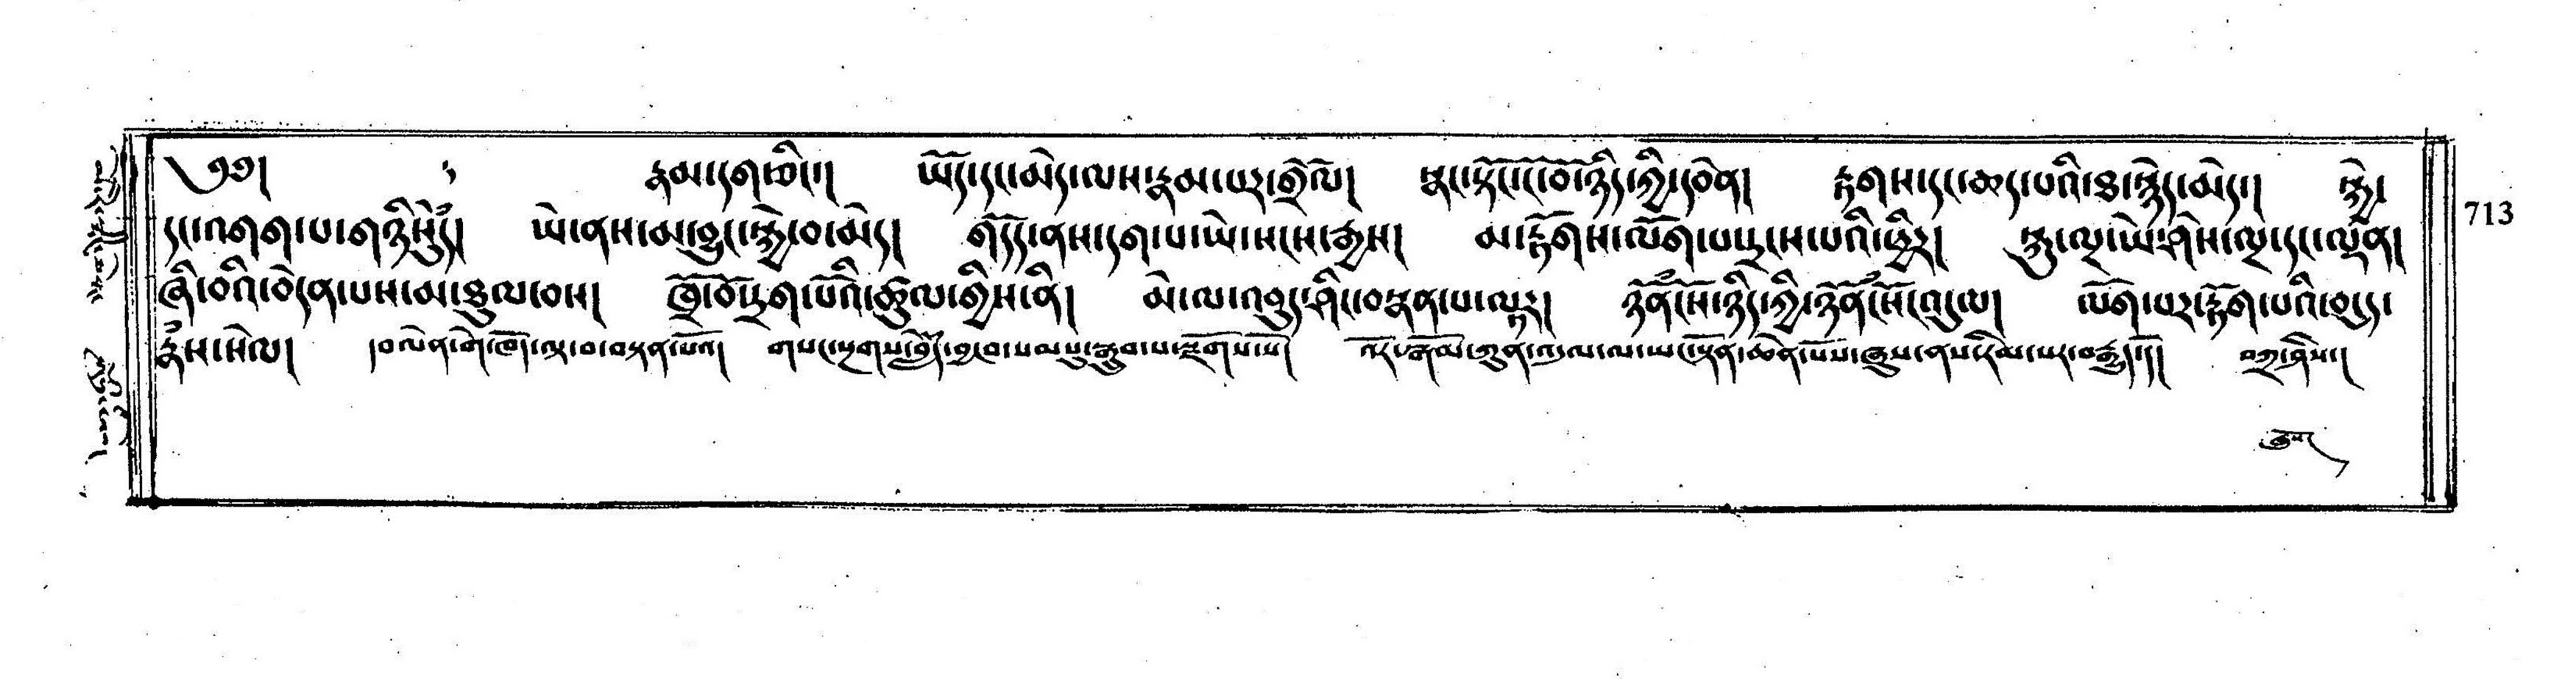རྣམ་དག་ཅིང་། ཡོད་དང་མེད་ལས་རྣམ་པར་གྲོལ། སྣང་སྟོང་ངོ་བོ་ཉིད་ཀྱི་དབེན། རྟགས་དང་ཆད་པའི་ཐ་སྙད་མེད། སྐྱེ་
དང་འགག་པ་གཉིས་སུ་མེད། ཡེ་ནས་མ་བྱུང་སྐྱེ་བ་མེད། གདོད་ནས་དག་པ་ཡེ་སངས་རྒྱས། མ་རྟོགས་ལོག་པ་དྲངས་པའི་ཕྱིར། སྐུ་ལྔ་ཡེ་ཤེས་ལྔ་དང་ལྡན། 
ཞི་བའི་བདེན་པས་མ་ཐུལ་བས། ཁྲོ་བོ་དྲག་པོའི་ཚུལ་གྱིས་ནི། མེ་ལ་འབུད་ཤིང་བསྣན་པ་ལྟར། ཉོན་མོངས་ཉིད་ཀྱི་ཉོན་མོངས་འདུལ། ལོག་པར་རྟོག་པའི་བདུད་
རྣམས་སེལ། དབལ་ཆེན་གེ་ཁོད་ལྟ་བ་བསྟན་པའོ། གསང་སྔགས་བླ་མེད་བྱང་ཆུབ་སེམས་སུ་སྒྲུབ་པ་རྫོགས་སོ།། འོད་སྒོམ་ཀུན་འདུལ་ལ་ཡང་སྟོན་ཆེན་པོས་ཞུས་ནས་རིམ་པར་བརྒྱུད་དོ། བཀྲ་ཤིས།།